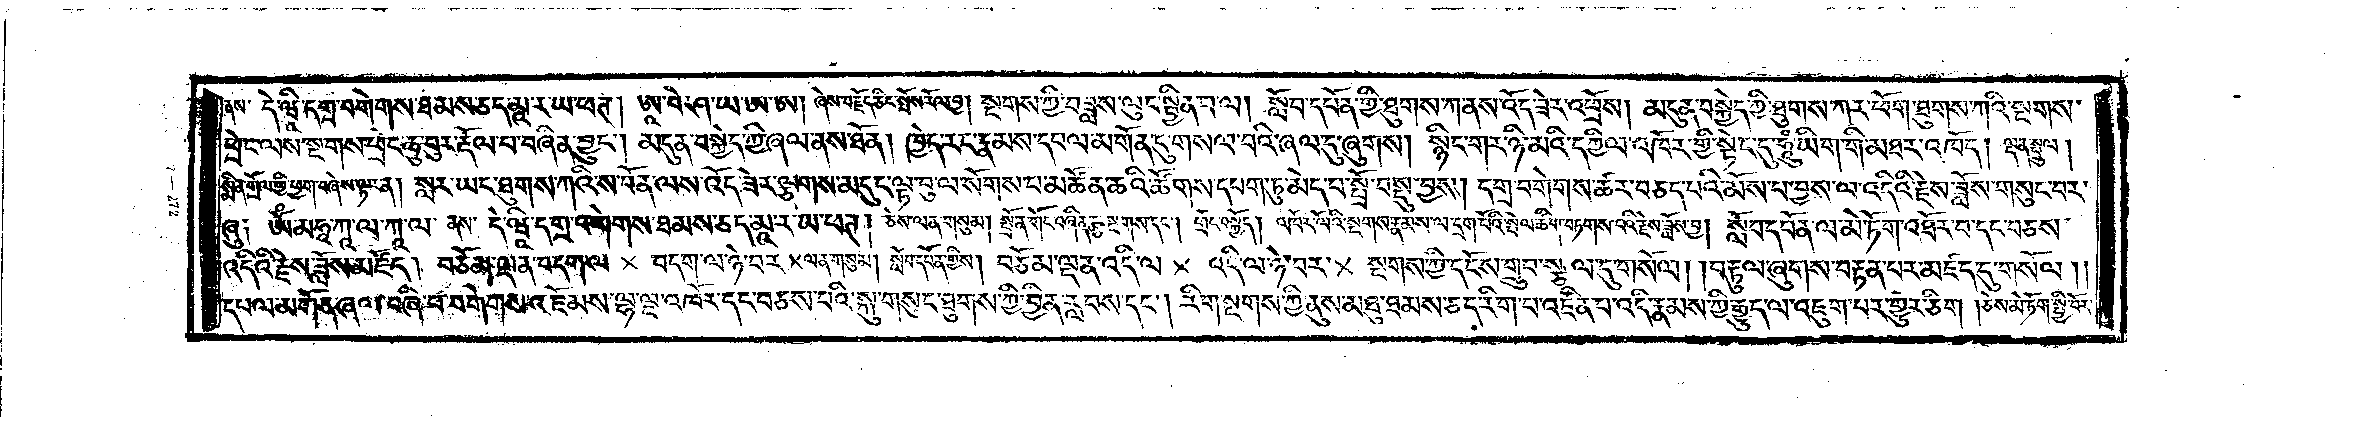ནས་དེ་ཝཱི་ངག་བགེགས་ཐམས་ཅད་ད་མཱ་ར་ཡ་ཕཊ། ཨཱ་བེ་ཤ་ཡ་ཨ་ཨ། ཞེས་བརྗོད་ཅིང་སྤོས་རོལ་བྱ།  སྔགས་ཀྱི་བཟླས་ལུང་སྦྱིན་པ་ལ། སློབ་དཔོན་གྱི་ཐུགས་ཀ་ནས་འོད་ཟེར་འཕྲོས། མདུན་བསྐྱེད་ཀྱི་ཐུགས་ཀར་ཕོག་ཐུགས་ཀའི་སྔགས་
ཕྲེང་ལས་སྔགས་ཕྲེང་ཆུ་བུར་རྡོལ་བ་བཞིན་བྱུང་། མདུན་བསྐྱེད་ཀྱི་ཞལ་ནས་ཐོན། ཁྱེད་རང་རྣམས་དཔལ་མངོན་དུ་གསལ་བའི་ཞལ་དུ་ཞུགས། སྙིང་གར་ཉི་མའི་དཀྱིལ་འཁོར་གྱི་སྟེང་དུ་ཧཱུཾ་ཡིག་གི་མཐར་འཁོད། ལྡན་སྤྲུལ།
སྨིན་གྲོལ་གྱི་ཕྱག་བཞེས་ལྟར་ན། སླར་ཡང་ཐུགས་ཀའི་ས་བོན་ལས་འོད་ཟེར་ལྕགས་མདུང་ལྟ་བུ་ལ་སོགས་པ་མཚོན་ཆའི་ཚོགས་དཔག་ཏུ་མེད་པ་སྤྲོ་བསྡུ་བྱས། དགྲ་བགེགས་ཚར་བཅད་པའི་མོས་པ་བྱས་ལ་འདིའི་རྗེས་ཟློས་གསུང་བར་
ཞུ༑ ཨོཾ་མྷཱ་ཀཱ་ལ་ཀཱ་ལ་ནས་དེ་ཝཱི་དགྲ་བགེགས་ཐམས་ཅད་མ༑ཨ་ར་ཡ་ཕཊ། ཅེས་ལན་གསུམ། སྤྲོན་གོང་བཞིན་རྩ་སྔགས་དང་། གྲོང་བསྐྱོད། འཁོར་ལོའི་སྔགས་རྣམས་ལ་དྲག་པོའི་སྤེལ་ཚིག་བཏགས་པའི་རྗེས་ཟློས་བྱ།  སློབ་དཔོན་ལ་མེ་ཏོག་འཐོར་བ་དང་བཅས་
འདིའི་རྗེས་ཟློས་མཛོད། བཅོམ་ལྡན་བདག་ལ་྾་བདག་ལ་ཉེ་བར་྾་ལན་གསུམ། སློབ་དཔོན་གྱིས།  བཅོམ་ལྡན་འདི་ལ་྾་འདི་ལ་ཉེ་བར་྾་སྔགས་ཀྱི་དངོས་གྲུབ་སྩལ་དུ་གསོལ། །བརྟུལ་ཞུགས་བརྟན་པར་མཛད་དུ་གསོལ།།
དཔལ་མགོན་ཞལ་བཞི་པ་བགེགས་འཇོམས་ལྷ་ལྔ་འཁོར་དང་བཅས་པའི་སྐུ་གསུང་ཐུགས་ཀྱི་བྱིན་རླབས་དང་། རིག་སྔགས་ཀྱི་ནུས་མཐུ་ཐམས་ཅད་རིག་པ་འཛིན་པ་འདི་རྣམས་ཀྱི་རྒྱུད་ལ་འཇུག་པར་གྱུར་ཅིག །ཅེས་མེ་ཏོག་སྤྱི་བོར་